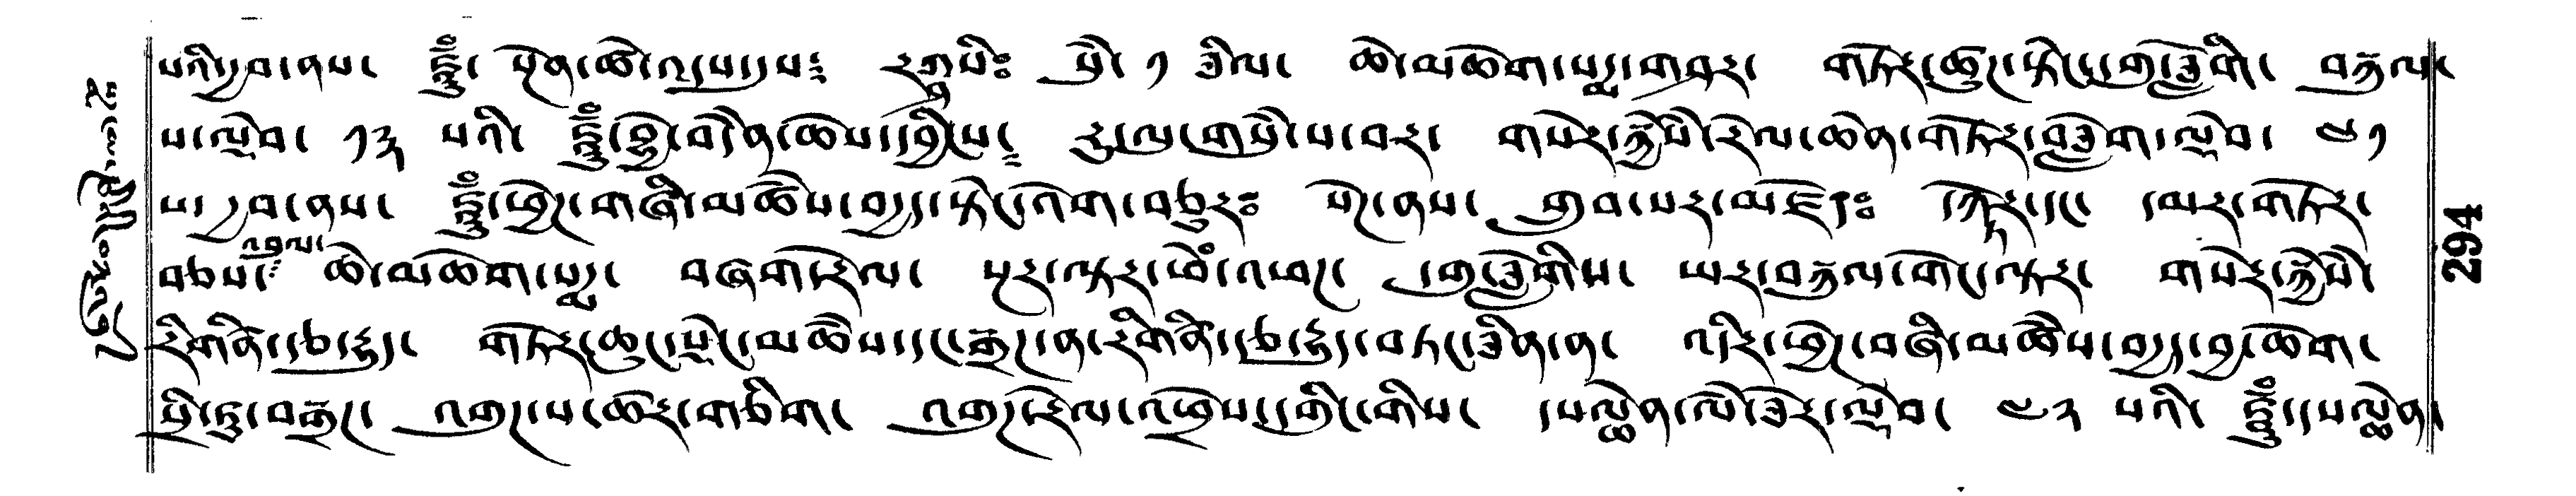པའི་རྒྱབ་ནས། ཧཱུྃ༔ སྔོན་ཚེ་འདུས་དུས༴ རཀྴ་སི༔ སུམ་གཅིག ཟིལ། ཆེ་མཆོག་པདྨ་གཤར། གཏོར་ཚུགས་སྟེང་དགུ་ཟློག་གི་ བསྐུལ་
པ། ལྡེབ་བཅུ་གསུམ་པའི། ཧཱུྃ་བྷྱོ༔ བདེ་ཆེན་ཆོས་དབྱིངས༴ རུ་ལུ་གསུམ་བར། གསེར་སྐྱེམས་རོལ་ཆེན་གཏོར་བཟློག་ལྡེབ་ ཞེ་གཅིག་
པའི་རྒྱབ་ནས། ཧཱུྃ༔ ཕྱོགས་གཞི་མཚམས་བརྒྱད་སྟེང་འོག་བཅུར༔ སོགས་ནས། འགྲུབ་པར་མཛོད༔ དཀར་གཏོར་དང་། དམར་གཏོར་
བཅས་འབུལ། ཆེ་མཆོག་པདྨ། བཞག་རོལ། སྔར་ལྟར་ཕེཾ་འཕགས་དགུ་ཟློག་གིས་ཡར་བསྐུལ་གོང་ལྟར། གསེར་སྐྱེམས་
རིག་འཛིན་རྩ་རྒྱུད། གཏོར་ཆུང་སྟེང་མཚམས་དང་སྒྲགས་ན་རིག་འཛིན་རྩ་རྒྱུད་བཏང་ཟིན་ནས། འདིར་ཕྱོགས་བཞི་མཚམས་བརྒྱད་བྱ་ཆོག 
སྲིད་ཧོ་སྒྲོག འགུགས་པ་ཚར་གཅིག འགུགས་རོལ་འཕྲོས་དགུ་ཐིང་གིས། དཔལ་ཆེན་ལམ་ཟོར། ལྡེབ་ཞེ་གཉིས་པའི། ཧཱུྃ༔ དཔལ་ཆེན་